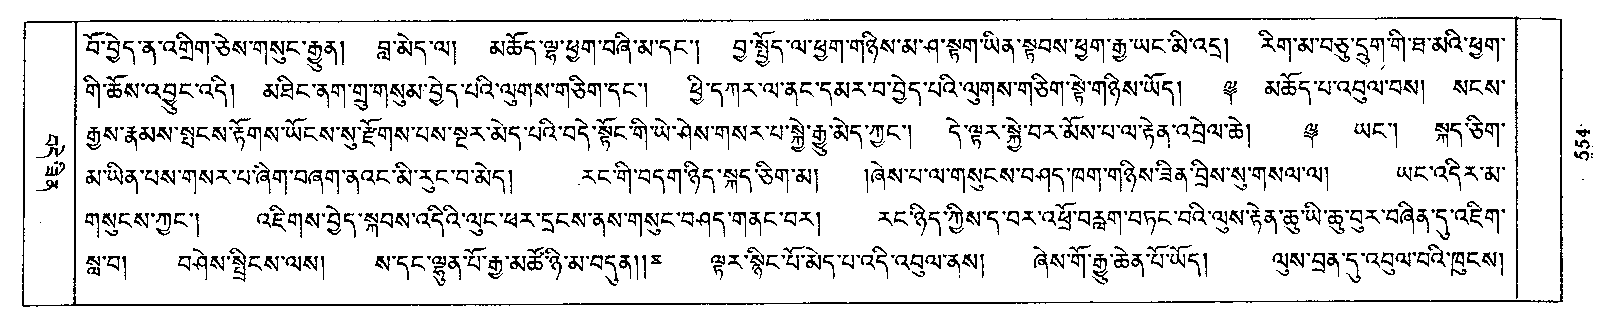བོ་བྱེད་ན་འགྲིག་ཅེས་གསུང་རྒྱུན། བླ་མེད་ལ། མཆོད་ལྷ་ཕྱག་བཞི་མ་དང་། བྱ་སྤྱོད་ལ་ཕྱག་གཉིས་མ་ཤ་སྟག་ཡིན་སྟབས་ཕྱག་རྒྱ་ཡང་མི་འདྲ། རིག་མ་བཅུ་དྲུག་གི་ཐ་མའི་ཕྱག་
གི་ཆོས་འབྱུང་འདི། མཐིང་ནག་གྲུ་གསུམ་བྱེད་པའི་ལུགས་གཅིག་དང་། ཕྱི་དཀར་ལ་ནང་དམར་བ་བྱེད་པའི་ལུགས་གཅིག་སྟེ་གཉིས་ཡོད། ༈ མཆོད་པ་འབུལ་བས། སངས་
རྒྱས་རྣམས་སྤངས་རྟོགས་ཡོངས་སུ་རྫོགས་པས་སྔར་མེད་པའི་བདེ་སྟོང་གི་ཡེ་ཤེས་གསར་པ་སྐྱེ་རྒྱུ་མེད་ཀྱང་། དེ་ལྟར་སྐྱེ་བར་མོས་པ་ལ་རྟེན་འབྲེལ་ཆེ། ༈ ཡང་། སྐད་ཅིག་
མ་ཡིན་པས་གསར་པ་ཞིག་བཞག་ནའང་མི་རུང་བ་མེད། རང་གི་བདག་ཉིད་སྐད་ཅིག་མ། །ཞེས་པ་ལ་གསུངས་བཤད་ཁག་གཉིས་ཟིན་བྲིས་སུ་གསལ་ལ། ཡང་འདིར་མ་
གསུངས་ཀྱང་། འཇིགས་བྱེད་སྐབས་འདིའི་ལུང་ཕར་དྲངས་ནས་གསུང་བཤད་གནང་བར། རང་ཉིད་ཀྱིས་ད་བར་འཕྲོ་བརླག་བཏང་བའི་ལུས་རྟེན་ཆུ་ཡི་ཆུ་བུར་བཞིན་དུ་འཇིག་
སླ་བ། བཤེས་སྤྲིངས་ལས། ས་དང་ལྷུན་པོ་རྒྱ་མཚོ་ཉི་མ་བདུན།། ྾་ལྟར་སྙིང་པོ་མེད་པ་འདི་འབུལ་ནས། ཞེས་གོ་རྒྱུ་ཆེན་པོ་ཡོད། ལུས་བྲན་དུ་འབུལ་བའི་ཁུངས།